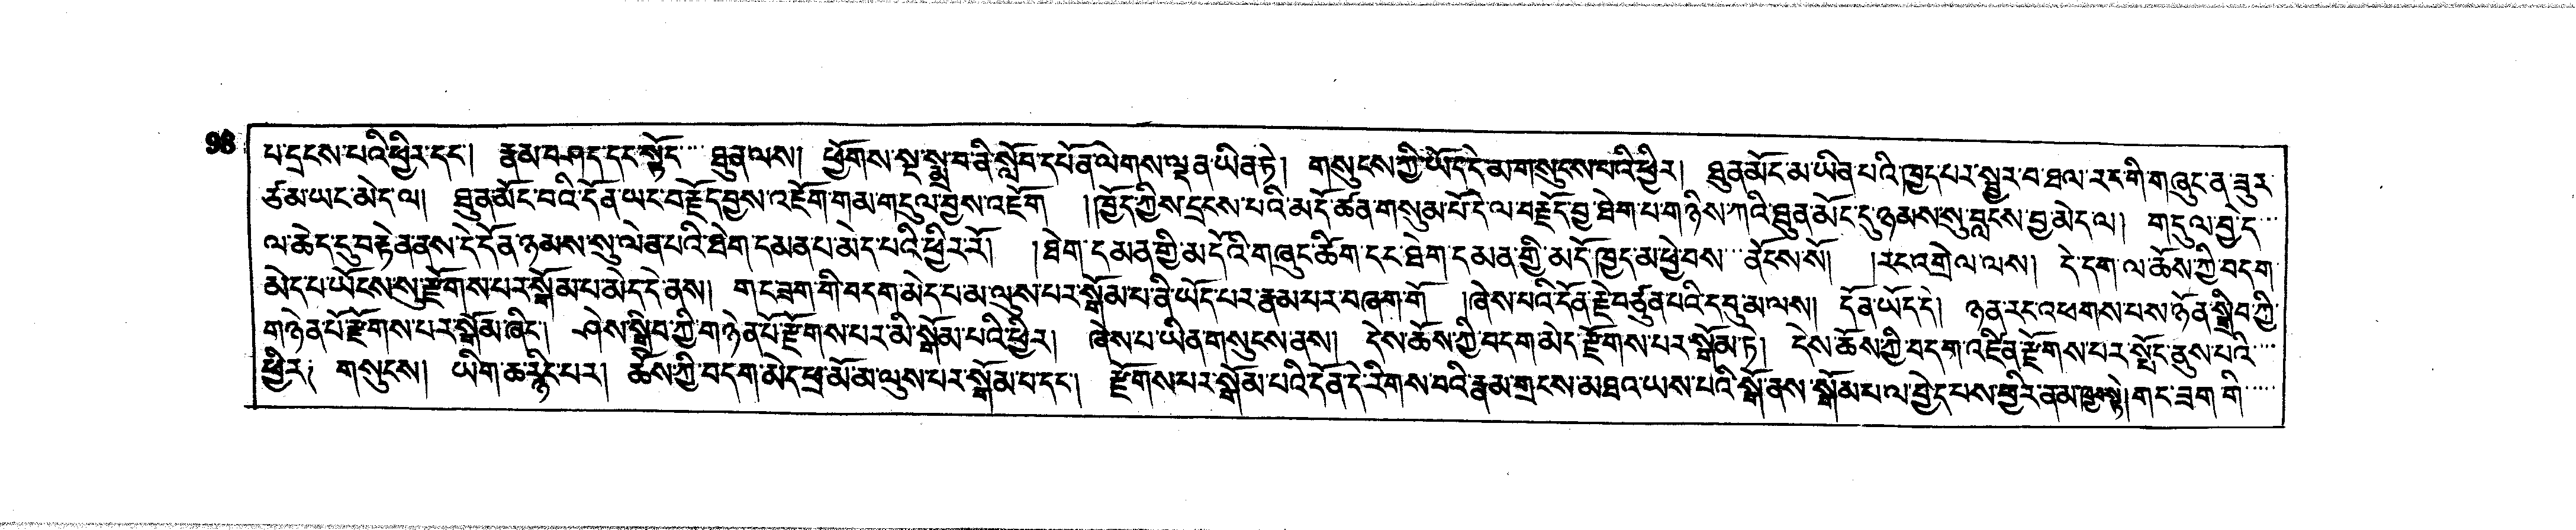པ་དྲངས་པའི་ཕྱིར་དང་། རྣམ་བཤད་དང་སྟོང་ཐུན་ལས། ཕྱོགས་སྔ་སྨྲ་བ་ནི་སློབ་དཔོན་ལེགས་ལྡན་ཡིན་ཏེ། གསུངས་ཀྱི་ཡོད་དེ་མ་གསུངས་པའི་ཕྱིར། ཐུན་མོང་མ་ཡིན་པའི་ཁྱད་པར་སྦྱར་བ་ཐལ་རང་གི་གཞུང་ན་ཟུར་
ཙམ་ཡང་མེད་ལ། ཐུན་མོང་བའི་དོན་ཡང་བརྗོད་བྱས་འཇོག་གམ་གདུལ་བྱས་འཇོག །ཁྱོད་ཀྱིས་དྲངས་པའི་མདོ་ཚན་གསུམ་པོ་དེ་ལ་བརྗོད་བྱ་ཐེག་པ་གཉིས་ཀའི་ཐུན་མོང་དུ་ཉམས་སུ་བླངས་བྱ་མེད་ལ། གདུལ་བྱེད་
ལ་ཆེད་དུ་བརྟེན་ནས་དེ་དོན་ཉམས་སུ་ལེན་པའི་ཐེག་དམན་པ་མེད་པའི་ཕྱིར་རོ། །ཐེག་དམན་གྱི་མདོའི་གཞུང་ཚིག་དང་ཐེག་དམན་གྱི་མདོ་ཁྱད་མ་ཕྱེ་བས་ནོངས་སོ། །རང་འགྲེལ་ལས། དེ་དག་ལ་ཆོས་ཀྱི་བདག་
མེད་པ་ཡོངས་སུ་རྫོགས་པར་སྒོམ་པ་མེད་དེ་ནས། གང་ཟག་གི་བདག་མེད་པ་མ་ལུས་པར་སྒོམ་པ་ནི་ཡོད་པར་རྣམ་པར་བཞག་གོ །ཞེས་པའི་དོན་རྗེ་བཙུན་པའི་དབུ་མ་ལས། དོན་ཡོད་དེ། ཉན་རང་འཕགས་པས་ཉོན་སྒྲིབ་ཀྱི་
གཉེན་པོ་རྫོགས་པར་སྒོམ་ཞིང་། ཤེས་སྒྲིབ་ཀྱི་གཉེན་པོ་རྫོགས་པར་མི་སྒོམ་པའི་ཕྱིར། ཞེས་པ་ཡིན་གསུངས་ནས། དེས་ཆོས་ཀྱི་བདག་མེད་རྫོགས་པར་སྒོམ་ཏེ། དེས་ཆོས་ཀྱི་བདག་འཛིན་རྫོགས་པར་སྤོང་ནུས་པའི་
ཕྱིར། གསུངས། ཡིག་ཆ་རྙིང་པར། ཆོས་ཀྱི་བདག་མེད་ཕྲ་མོ་མ་ལུས་པར་སྒོམ་པ་དང་། རྫོགས་པར་སྒོམ་པའི་དོན་དེ་རིགས་བའི་རྣམ་གྲངས་མཐའ་ཡས་པའི་སྒོ་ནས་སྒོམ་པ་ལ་བྱེད་པས་ཕྱིར་ན་མ་ཁྱབ་སྟེ། གང་ཟག་གི་